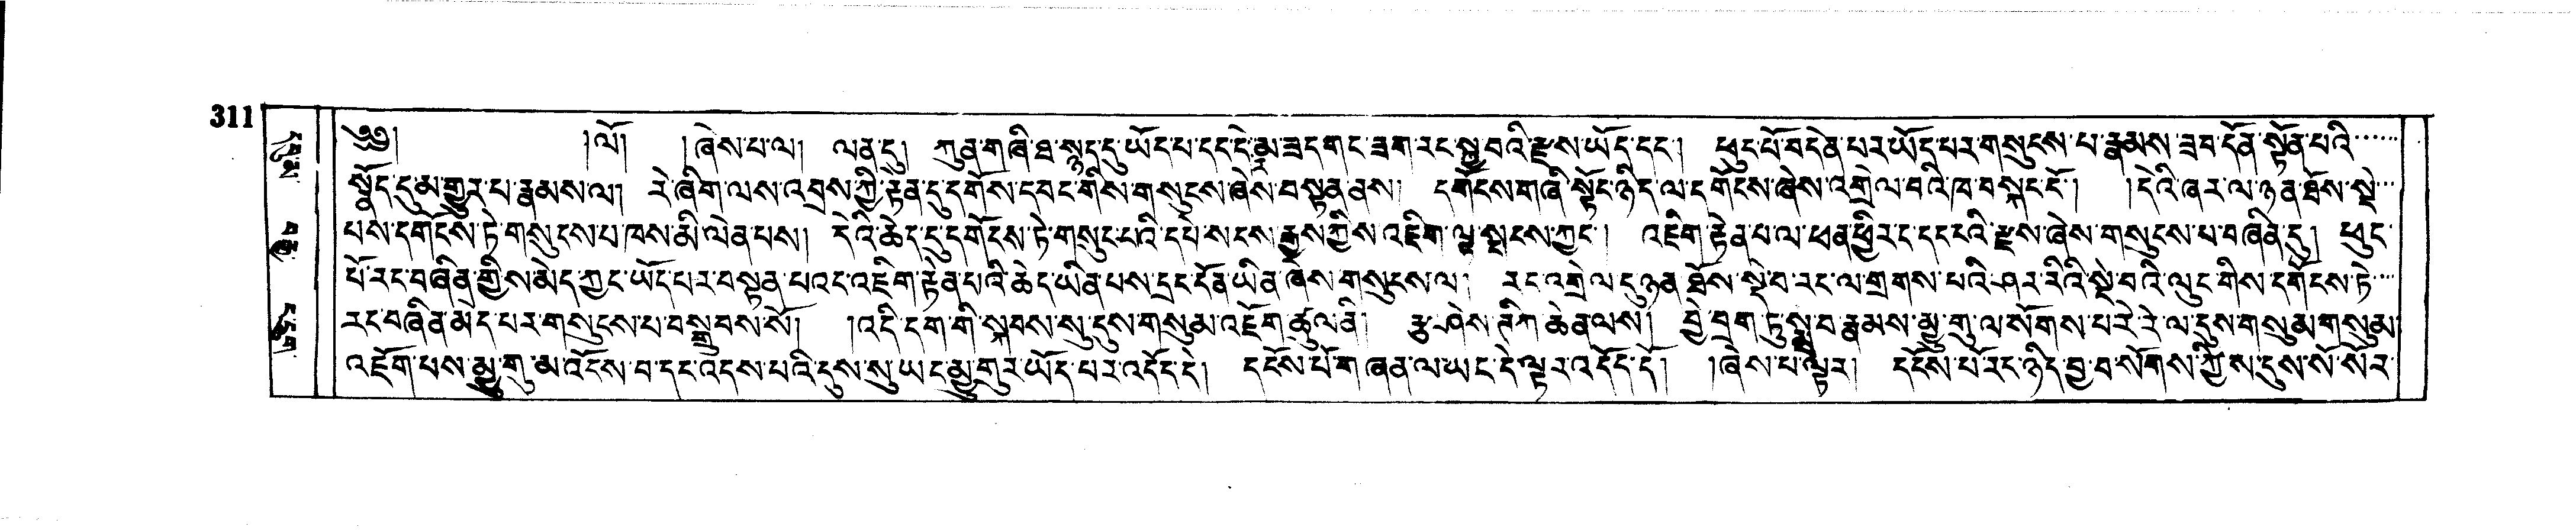༄༅། །ལོ། །ཞེས་པ་ལ། ལན་དུ། ཀུན་གཞི་ཐ་སྙད་དུ་ཡོད་པ་དང་དེར་མ་ཟད་གང་ཟག་རང་སྐྱ་བའི་རྫས་ཡོད་དང་། ཕུང་པོ་བདེན་པར་ཡོད་པར་གསུངས་པ་རྣམས་ཟབ་དོན་སྟོན་པའི་
སྣོད་དུ་མ་གྱུར་པ་རྣམས་ལ། རེ་ཞིག་ལས་འབྲས་ཀྱི་རྟེན་དུ་དགོས་དབང་གིས་གསུངས་ཞེས་བསྟན་ནས། དགོངས་གཞི་སྟོང་ཉིད་ལ་དགོངས་ཞེས་འགྲེལ་བའི་ཁ་བསྐང་ངོ། །དེའི་ཞར་ལ་ཉན་ཐོས་སྡེ་
པས་དགོངས་ཏེ་གསུངས་པ་ཁས་མི་ལེན་པས། དེའི་ཆེད་དུ་དགོངས་ཏེ་གསུང་པའི་དཔེ་སངས་རྒྱས་ཀྱིས་འཇིག་ལྟ་སྤངས་ཀྱང་། འཇིག་རྟེན་པ་ལ་ཕན་ཕྱིར་ང་དང་ངའི་རྫས་ཞེས་གསུངས་པ་བཞིན་དུ། ཕུང་
པོ་རང་བཞིན་གྱིས་མེད་ཀྱང་ཡོད་པར་བསྟན་པའང་འཇིག་རྟེན་པའི་ཆེད་ཡིན་པས་དྲང་དོན་ཡིན་ཞེས་གསུངས་ལ། རང་འགྲེལ་དུ་ཉན་ཐོས་སྡེ་བ་རང་ལ་གྲགས་པའི་ཤར་རིའི་སྡེ་བའི་ལུང་གིས་དགོངས་ཏེ་
རང་བཞིན་མེད་པར་གསུངས་པ་བསྒྲུབས་སོ། །འདི་དག་གི་སྐབས་སུ་དུས་གསུམ་འཇོག་ཚུལ་ནི། རྩ་ཤེས་ཊིཀ་ཆེན་ལས། བྱེ་བྲག་ཏུ་སྨྲ་བ་རྣམས་མྱུ་གུ་ལ་སོགས་པ་རེ་རེ་ལ་དུས་གསུམ་གསུམ་
འཇོག་པས་མྱུ་གུ་མ་འོངས་པ་དང་འདས་པའི་དུས་སུ་ཡང་མྱུ་གུར་ཡོད་པར་འདོད་དེ། དངོས་པོ་གཞན་ལ་ཡང་དེ་ལྟར་འདོད་དོ། །ཞེས་པ་ལྟར། དངོས་པོ་རང་ཉིད་བྱ་བ་སོགས་ཀྱིས་དུས་སོ་སོར་